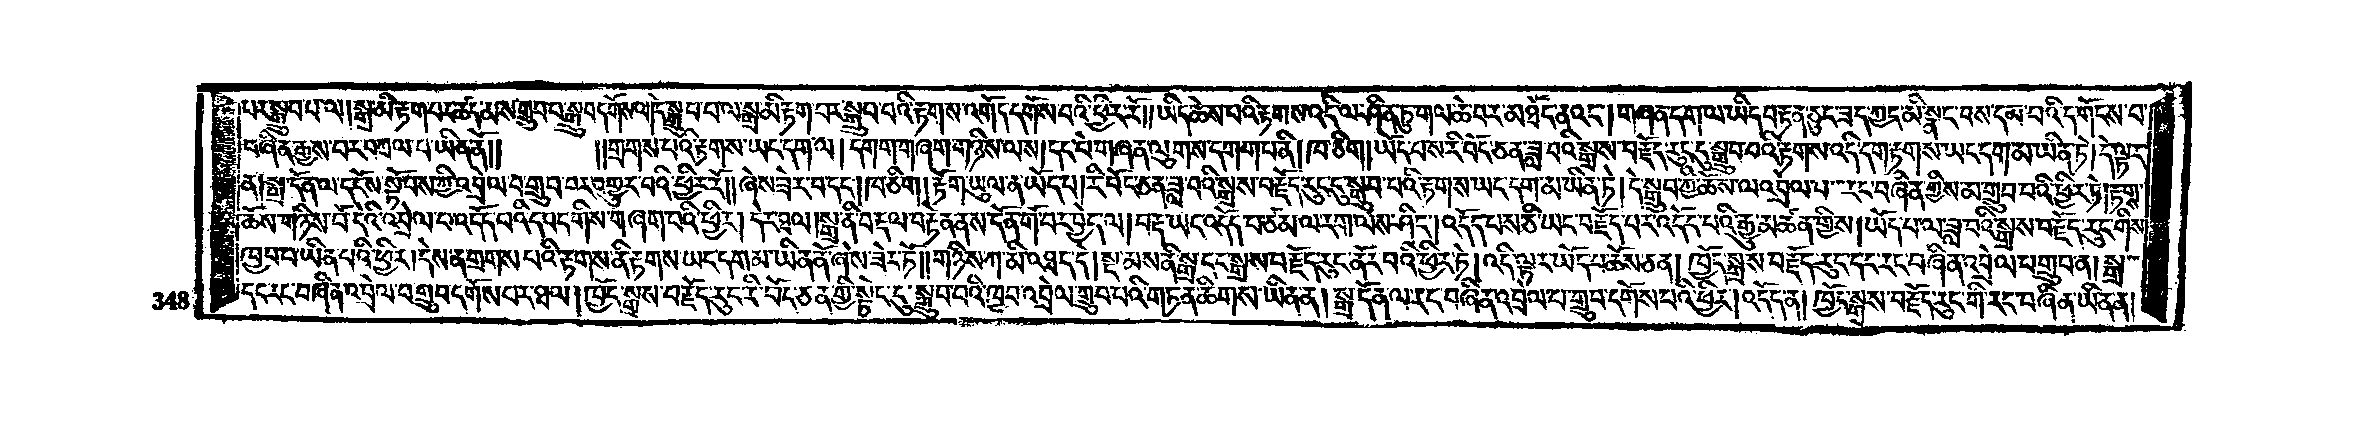པར་སྒྲུབ་པ་ལ། སྒྲ་མི་རྟག་པར་ཚད་མས་གྲུབ་པ་སྒྲུབ་དགོས་ལ། དེ་སྒྲུབ་པ་ལ་སྒྲ་མི་རྟག་པར་སྒྲུབ་པའི་རྟགས་འགོད་དགོས་པའི་ཕྱིར་རོ། །ཡིད་ཆེས་པའི་རྟགས་འདི་ལ་ཤིན་ཏུ་གལ་ཆེ་བར་མཐོང་ནའང་། གཞན་དག་ལ་ཡིད་བརྟན་ཅུང་ཟད་ཀྱང་མི་སྣང་བས་དམ་པའི་དགོངས་པ་
བཞིན་རྒྱས་པར་བཀྲལ་པ་ཡིན་ནོ།། །།གྲགས་པའི་རྟགས་ཡང་དག་ལ། དགག་གཞག་གཉིས་ལས། དང་པོ་གཞན་ལུགས་དགག་པ་ནི། ཁ་ཅིག། ཡོད་པས་རི་བོང་ཅན་ཟླ་བའི་སྒྲས་བརྗོད་རུང་དུ་སྒྲུབ་པའི་རྟགས་འདི་དག་རྟགས་ཡང་དག་མ་ཡིན་ཏེ། དེ་ལྟར་
ན། སྒྲ་དོན་ལ་དངོས་སྟོབས་ཀྱི་འབྲེལ་བ་གྲུབ་པར་འགྱུར་བའི་ཕྱིར་རོ། །ཞེས་ཟེར་བ་དང་། ཁ་ཅིག །རྟོག་ཡུལ་ན་ཡོད་པ། རི་བོང་ཅན་ཟླ་བའི་སྒྲས་བརྗོད་རུང་དུ་སྒྲུབ་པའི་རྟགས་ཡང་དག་མ་ཡིན་ཏེ། དེ་སྒྲུབ་ཀྱི་ཆོས་ལ་འབྲེལ་པ་རང་བཞིན་གྱིས་མ་གྲུབ་པའི་ཕྱིར་ཏེ། རྟགས་
ཆོས་གཉིས་པོ་དེའི་འབྲེལ་པ་འདོད་པའི་དབང་གིས་གཞག་པའི་ཕྱིར། དེར་ཐལ། སྒྲ་ནི་བརྡ་ལ་བརྟེན་ནས་དོན་གོ་བར་བྱེད་ལ། བརྡ་ཡང་འདོད་པ་ཙམ་ལ་རག་ལས་ཤིང་། འདོད་པས་ཅི་ཡང་བརྗོད་པར་འདོད་པའི་རྒྱུ་མཚན་གྱིས། ཡོད་པ་ལ་ཟླ་བའི་སྒྲས་བརྗོད་རུང་གིས་
ཁྱབ་པ་ཡིན་པའི་ཕྱིར། དེས་ན་གྲགས་པའི་རྟགས་ནི་རྟགས་ཡང་དག་མ་ཡིན་ནོ་ཞེས་ཟེར་ཏོ། །གཉིས་ཀ་མི་འཐད་དེ། སྔ་མས་ནི་སྒྲ་དང་སྒྲས་བརྗོད་རུང་ནོར་བའི་ཕྱིར་ཏེ། འདི་ལྟར་ཡོད་པ་ཆོས་ཅན། ཁྱོད་སྒྲས་བརྗོད་རུང་དང་རང་བཞིན་འབྲེལ་པ་གྲུབ་ན། སྒྲ་
དང་རང་བཞིན་འབྲེལ་པ་གྲུབ་དགོས་པར་ཐལ། ཁྱོད་སྒྲས་བརྗོད་རུང་རི་བོང་ཅན་གྱི་སྟེང་དུ་སྒྲུབ་པའི་ཁྱབ་འབྲེལ་གྲུབ་པའི་གཏན་ཚིགས་ཡིན་ན། སྒྲ་དོན་ལ་རང་བཞིན་འབྲེལ་པ་གྲུབ་དགོས་པའི་ཕྱིར། འདོད་ན། ཁྱོད་སྒྲས་བརྗོད་རུང་གི་རང་བཞིན་ཡིན་ན།